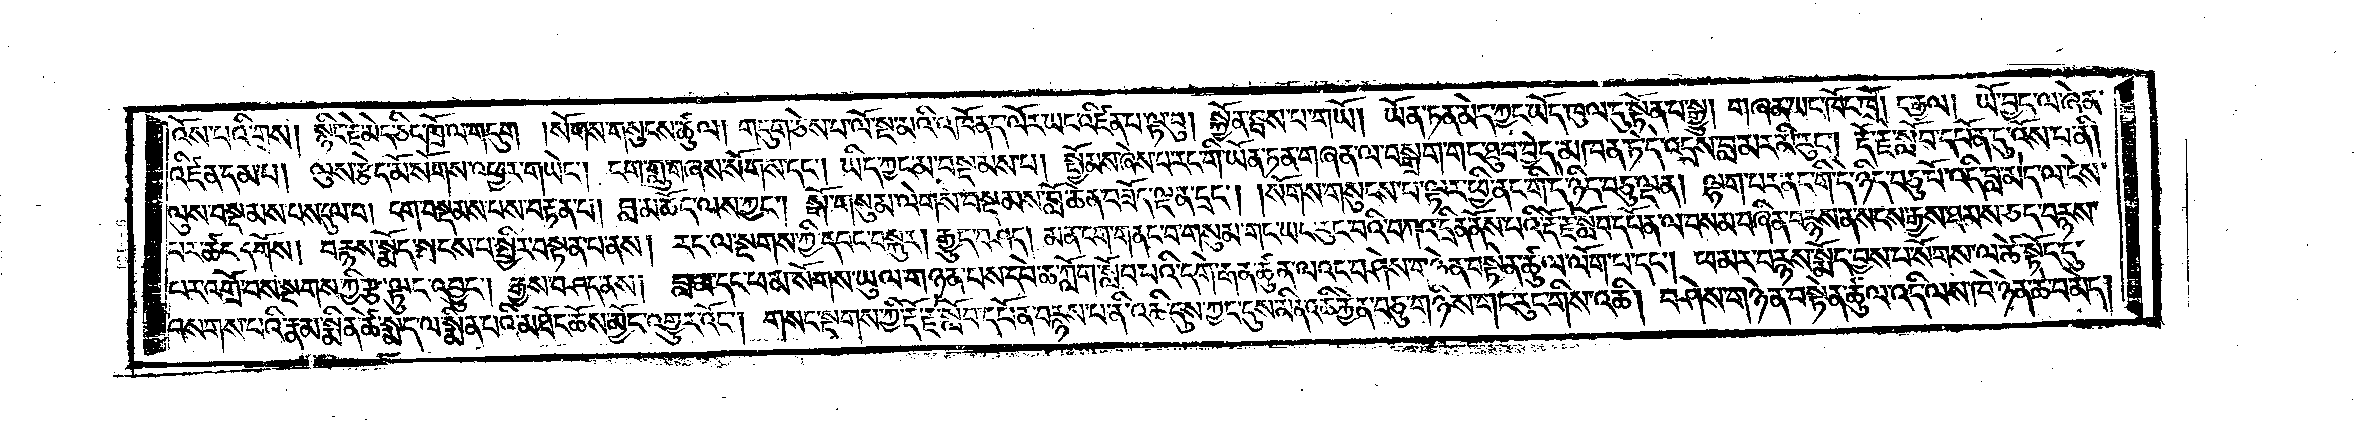འོས་པའི་གྲས། སྙིང་རྗེ་མེད་ཅིང་ཁྲོ་ལ་གདུག །སོགས་གསུངས་ཚུལ། གདུག་ཅེས་པ་ལོ་སྔ་མའི་འཁོན་ད་ལོར་ཡང་འཛིན་པ་ལྟ་བུ། སྐྱོན་སྤས་པ་གཡོ། ཡོན་ཏན་མེད་ཀྱང་ཡོད་ཁུལ་དུ་སྟོན་བ་སྒྱུ། གཞན་ཡང་ཁོང་ཁྲོ། ང་རྒྱལ། ཡོ་བྱང་ལ་ཞེན་
འཛིན་དམ་པ། ལུས་རྩེད་མོ་སོགས་འཕྱར་གཡེང་། ངག་གླུ་གཞས་སོགས་དང་། ཡིད་ཀྱང་མ་བསྔམས་པ། སྤྱོམས་ཞེས་པ་རང་གི་ཡོན་ཏན་གཞན་ལ་བསྒྲག་གང་ཐུབ་བྱེད་མཁན་ཏེ་དེ་འདྲེས་བླ་མར་མི་རུང་། རྡོ་རྗེ་སློབ་དཔོན་དུ་འོས་པ་ནི།
ལུས་བསྔགས་པས་དུལ་བ། ངག་བསྡམས་པས་བརྟན་པ། བླ་མཆོད་ལས་ཀྱང་། སྒོ་གསུམ་ལེགས་བསྡམས་བློ་ཆེན་བཟོད་ལྡན་དྲང་། །སོགས་གསུངས་པ་ལྟར་ཕྱི་ནང་གི་དེ་ཉིད་བཅུ་ལྡན། ལྷག་པར་ནང་གི་དེ་ཉིད་བཅུ་པོ་འདི་བླ་མེད་ལ་ངེས་
པར་ཚང་དགོས། བརྙས་སྨོད་སྤངས་པ་སྤྱིར་བསྟན་པ་ནས། རང་ལ་སྔགས་ཀྱི་དབང་བསྐུར། རྒྱུད་བཤད། མན་ངག་གནང་བ་གསུམ་གང་ཡང་རུང་བའི་བཀའ་དྲིན་ནོས་པའི་རྡོ་རྗེ་སློབ་དཔོན་ལ་བསམ་བཞིན་བརྙས་ན་སངས་རྒྱས་ཐམས་ཅད་བརྙས་
པར་འགྲོ་བས་སྔགས་ཀྱི་རྩ་ལྟུང་འབྱུང་། རྒྱས་བཤད་ནས། བླ་མ་དང་ཕ་མ་སོགས་ཡུལ་གཉན་པས་དཔེ་ཆ་ཀློག་སློབ་པའི་དགེ་རྒན་ཚུན་ལའང་བཤེས་གཉེན་བསྟེན་ཚུལ་ལོག་པ་དང་། ཕ་མར་བརྙས་སྨོད་བྱས་པ་སོགས་ལ་ཚེ་སྟོད་དུ་
བསགས་པའི་རྣམ་སྨིན་ཚེ་སྨད་ལ་སྨིན་པའི་མཐོང་ཆོས་མྱོང་འགྱུར་འོང་། གསང་སྔགས་ཀྱི་རྡོ་རྗེ་སློབ་དཔོན་བརྙས་པ་ནི་འཆི་དུས་ཀྱང་དུས་མིན་འཆི་རྐྱེན་བཅུ་གཉིས་གང་རུང་གིས་འཆི། བཤེས་གཉེན་བསྟེན་ཚུལ་འདི་ལས་ཁེ་ཉེན་ཆ་བ་མེད།